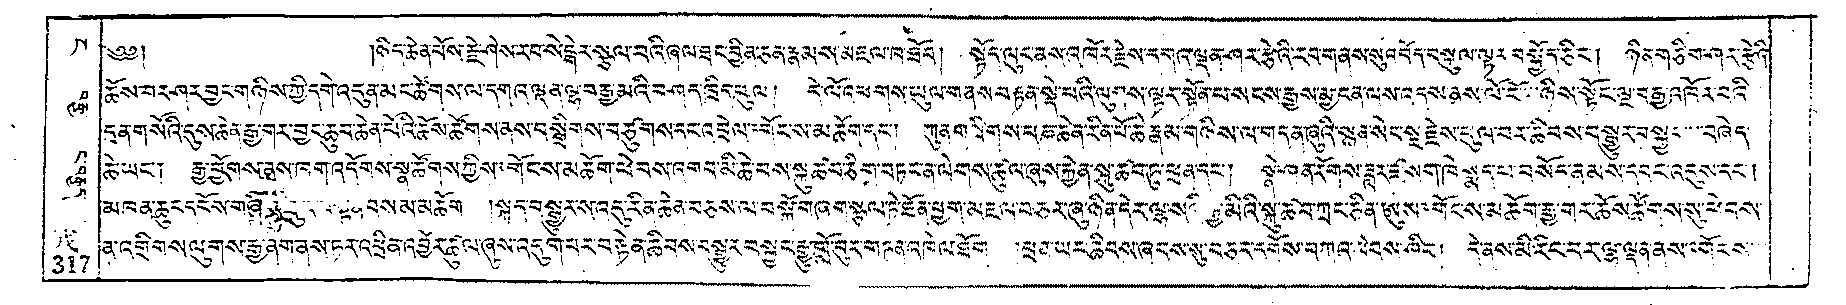༄༅། །ཉིད་ཆེན་པོས་རྗེ་ཤེས་རབ་སེངྒེར་སྩལ་བའི་ཞལ་ཐང་བྱིན་ཅན་རྣམས་མཇལ་ཁ་ཐོབ། སྟོད་ལུང་ནས་འཁོར་རྗེས་དགའ་ལྡན་ཤར་རྩེའི་རབ་གནས་སུ་འབོད་བསྐུལ་ལྟར་བསྐྱོད་ཅིང་། ཉིན་གཅིག་ཤར་རྩེའི་
ཆོས་བར་ཤར་བྱང་གཉིས་ཀྱི་དགེ་འདུན་མང་ཚོགས་ལ་དགའ་ལྡན་ལྷ་བརྒྱ་མའི་བཤད་ཁྲིད་ཕུལ། དེ་ལོ་འཕགས་ཡུལ་གནས་བརྟན་སྡེ་པའི་ལུགས་ལྟར་སྟོན་པ་སངས་རྒྱས་མྱ་ངན་ལས་འདས་ནས་ལོ་ངོ་ཉིས་སྟོང་ལྔ་བརྒྱ་འཁོར་བའི་
དྲན་གསོའི་དུས་ཆེན་རྒྱ་གར་བྱང་ཆུབ་ཆེན་པོའི་ཆོས་ཚོགས་ནས་བསྒྲིགས་བཙུགས་དང་འབྲེལ་༧གོང་ས་མཆོག་དང་། ཀུན་གཟིགས་པཎ་ཆེན་རིན་པོ་ཆེ་རྣམ་གཉིས་ལ་གདན་ཞུའི་སྙན་སེང་སྔ་རྗེས་ཕུལ་བར་ཆིབས་བསྒྱུར་བསྐྱང་བཞེད་
ཆེ་ཡང་། རྒྱ་ཕྱོགས་ནས་ཁག་འདོགས་སྣ་ཚོགས་ཀྱིས་༧གོང་ས་མཆོག་ཕེབས་འགབ་མི་ཆེ་བས་སྐུ་ཚབ་ཅིག་བཏང་ན་ལེགས་ཚུལ་ཞུས་རྐྱེན་སྐུ་ཚབ་ཏུ་ཕྲན་དང་། སྣེ་ཤན་རོགས་ཟླར་ཛ་སག་ཁེ་སྨད་པ་བསོད་ནམས་དབང་འདུས་དང་།
མཁན་ཆུང་དངོས་གཞི་ནི་ཐུབ་བསྟན་བསམ་མཆོག །སྐད་བསྒྱུར་ས་འདུ་རིན་ཆེན་བཅས་ལ་བསྐོ་གཞག་སྩལ་ཏེ་ཐོན་ཕྱག་མཇལ་བཅར་ཞུ་ཉིན་དེར་ལྷ་སའི་རྒྱ་མིའི་སྐུ་ཚབ་ཀྲང་ཅིན་ཨུས་༧གོང་ས་མཆོག་རྒྱ་གར་ཆོས་ཚོགས་སུ་ཕེབས་
ན་འགྲིགས་ལུགས་རྒྱ་ནག་ནས་ཏར་འཕྲིན་འབྱོར་ཚུལ་ཞུས་འདུག་པར་བརྟེན་ཆིབས་བསྒྱུར་བསྐྱང་རྒྱུ་གློ་བུར་གཏན་འཁེལ་ཐོག །ཕྲན་ཡང་ཆིབས་ཞབས་སུ་བཅར་དགོས་བཀའ་ཕེབས་ཤིང་། དེ་ནས་མི་རིང་བར་ལྷ་ལྡན་ནས་༧གོང་ས་